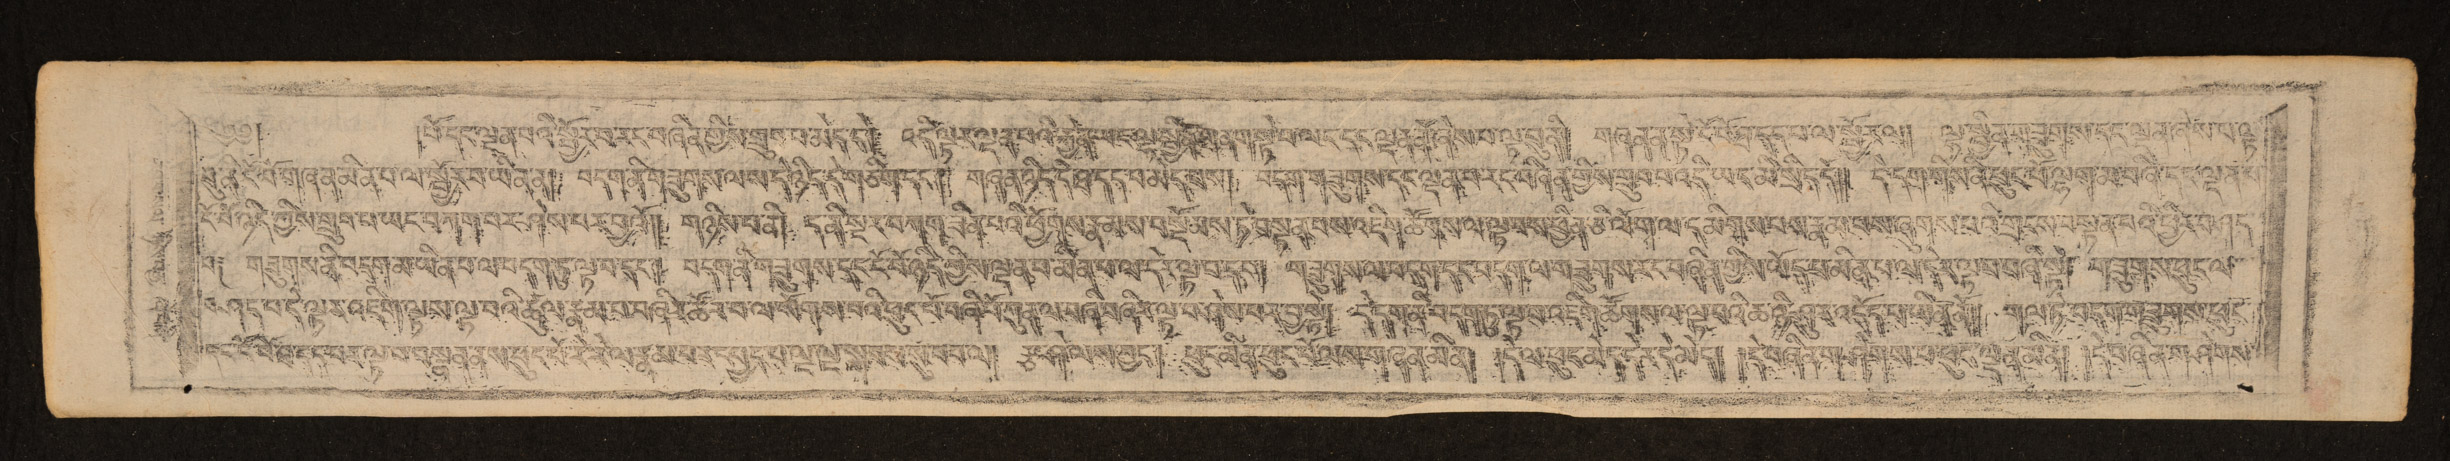༄༅། །པོ་དང་ལྡན་པའི་སྦྱོར་བ་རང་བཞིན་གྱིས་གྲུབ་པ་མེད་དེ། འདི་ལྟར་ལྡན་པའི་རྐྱེན་ཡང་ལྷ་སྦྱིན་གནག་སྟེ་བ་ལང་དང་ལྡན་ནོ་ཞེས་པ་ལྟ་བུ་ནི། གཞན་ན་སྟེ་ངོ་བོ་ཐ་དད་པ་ལ་སྦྱོར་ལ། ལྷ་སྦྱིན་གཟུགས་དང་ལྡན་ཞེས་པ་ལྟ་
བུ་ནི་ངོ་བོ་གཞན་མིན་པ་ལ་སྦྱོར་བ་ཡིན་ན། བདག་ནི་གཟུགས་ལས་དེ་ཉིད་དེ་གཅིག་དང་། གཞན་ཉིད་དེ་ཐ་དད་པ་མེད་པས། བདག་གཟུགས་དང་ལྡན་པ་རང་བཞིན་གྱིས་གྲུབ་པ་འདི་ཡང་མི་སྲིད་དོ།། དེ་དག་གིས་ནི་ཕུང་པོ་ལྷག་མ་བཞི་དང་ལྡན་པ་
ངོ་བོ་ཉིད་ཀྱིས་གྲུབ་པ་ཡང་བཀག་པར་ཤེས་པར་བྱའོ།། གཉིས་པ་ནི། ད་ནི་སྔར་བཀག་ཟིན་པའི་ཕྱོགས་རྣམས་བསྡོམས་ཏེ་བསྟན་པས་འཇིག་ཚོགས་ལ་ལྟ་བས་ཕྱིན་ཅི་ལོག་ལ་དམིགས་པས་རྣམ་པས་ཞུགས་པའི་གྲངས་བསྟན་པའི་ཕྱིར་བཤད་
པ༑ གཟུགས་ནི་བདག་མ་ཡིན་པ་ལ་བདག་ཏུ་ལྟ་བ་དང་། བདག་ནི་གཟུགས་དང་ངོ་བོ་ཉིད་ཀྱིས་ལྡན་པ་མིན་པ་ལ་དེར་ལྟ་བ་དང་། གཟུགས་ལ་བདག་དང་བདག་ལ་གཟུགས་རང་བཞིན་གྱིས་ཡོད་པ་མིན་པ་ལ་དེར་ལྟ་བ་བཞི་སྟེ། གཟུགས་ཕུང་ལ་
བཤད་པ་དེ་ལྟར་འཇིག་ལྟས་ལྟ་བའི་ཚུལ་རྣམ་པ་བཞིར་ཚོར་བ་ལ་སོགས་པའི་ཕུང་པོ་བཞི་པོ་ཀུན་ལ་བཞི་བཞིར་ལྟ་བ་ཤེས་པར་བྱ་སྟེ། དེ་དག་ནི་བདག་ཏུ་ལྟ་བ་འཇིག་ཚོགས་ལ་ལྟ་བའི་ཆ་ཉི་ཤུར་འདོད་པ་ཡིན་ནོ།། གལ་ཏེ་བདག་གཟུགས་ཕུང་
དང་ངོ་བོ་ཐ་དད་པར་ལྟ་བ་བསྣན་ནས་ཕུང་པོ་རེ་རེ་ལ་རྣམ་པར་དཔྱད་པ་ལྔ་ལྔ་སྐབས་སུ་བབ་ལ། རྩ་ཤེ་ལས་ཀྱང་། ཕུང་མིན་ཕུང་པོ་ལས་གཞན་མིན། །དེ་ལ་ཕུང་མེད་དེར་དེ་མེད། །དེ་བཞིན་གཤེགས་པ་ཕུང་ལྡན་མིན། །དེ་བཞིན་གཤེགས་